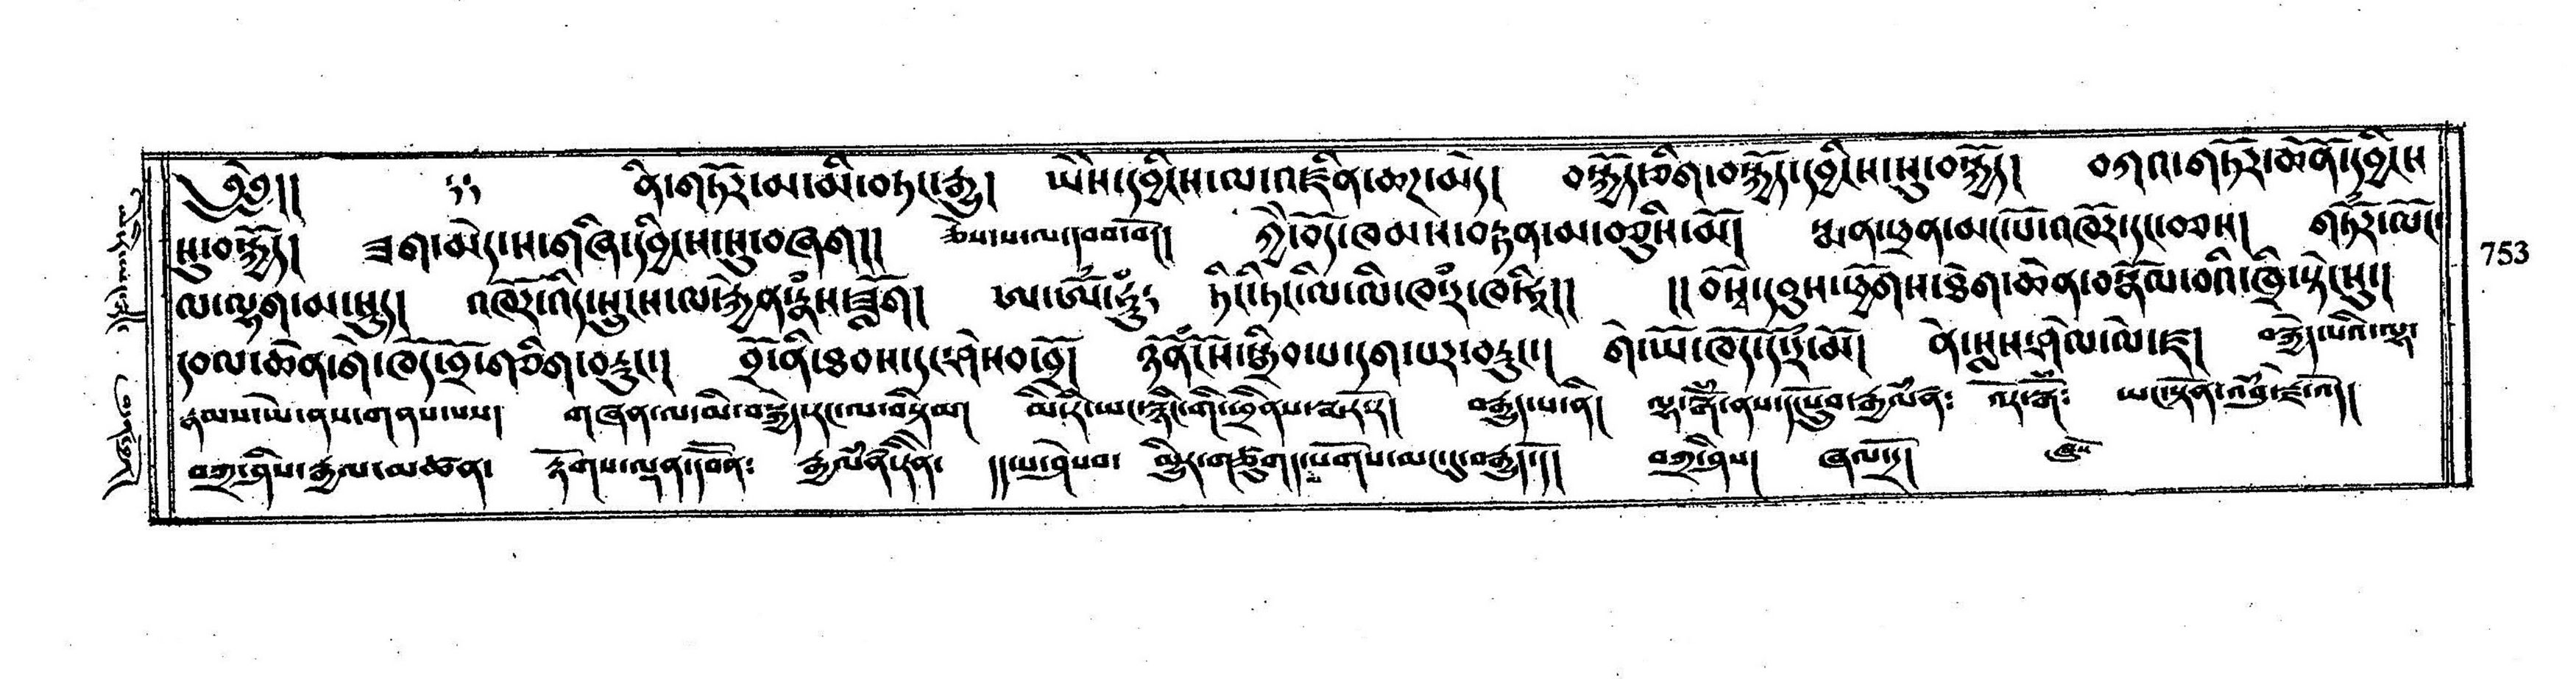ནི་གཏོར་མ་མི་བཏང་རྒྱུ། ཡེ་ཤེས་དབྱིངས་ལ་འཛིན་ཆགས་མེད། བསྐྱོད་ཅིག་བསྐྱོད་དབྱིངས་སུ་བསྐྱོད། བཀའ་གཏོར་ཆེན་པོ་དབྱིངས་སུ་བསྐྱོད། ཟག་མེད་ས་གཞི་དབྱིངས་
སུ་བཞག །། ཅེས་པ་ལ་དབབ་བོ།། ཀྱཻ་བོད་ཁམས་བརྟན་མ་བཅུ་གཉིས་མོ། སྨན་ཕྲན་མང་པོ་འཁོར་དང་བཅས། གཏོར་མ་ལོང་
ལ་ལྷག་མ་སྡུད། འཁོར་འདི་སྲུངས་ལ་རྐྱེན་རྣམས་ཟློག ཨ་ཨོཾ་ཧཱུཾ ཏིང་ཏིང་ལི་ལི་ཁ་རཾ་ཁ་ཧཱི།། །།བསྭོ་དབུས་ཕྱོགས་ཐེག་ཆེན་བསྣོལ་བའི་ཁྲི་སྟེངས་སུ། 
དབལ་ཆེན་གེ་ཁོད་བྲོ་གཅིག་བརྡུང་། བྲོ་ནི་ཐབས་དང་ཤེས་རབ་བྲོ། ཉོན་མོངས་སྒྲིབ་པ་དག་པར་བརྡུང་། གེ་ཡོ་ཁོད་དོ་རཾ་མོ། ནེ་སླས་ཤེལ་ལེ་ཛ། བསྐྱེད་པའི་ལྷ་
རྣམས་ཡེ་ནས་གནས་པས། གཞན་ལ་མི་བསྐྱེད་རང་ལ་བསྟིམ། མི་རི་ཡང་སྙིང་གི་ཕྲིན་ལས་སྨར་རོ། བརྒྱུད་པ་ནི། ལྷ་སྒོམ་ནས་དངོས་གྲུབ་རྒྱལ་མཚན༴ འོད་སྒོམ༴ ཡང་སྟོན་འབུམ་རྗེ་འོད། 
བཀྲ་ཤིས་རྒྱལ་མཚན༴ རྟོགས་ལྡན་དབོན་པོ༴ རྒྱལ་མཚན་རིན་ཆེན༴ དད་པ་ཤེས་རབ༴ མི་འགྱུར་གཙུག་ཕུད་སོགས་མང་དུ་བརྒྱུད་དོ། བཀྲ་ཤིས། ཞལ་དྲོ། ཞུས་སོ།